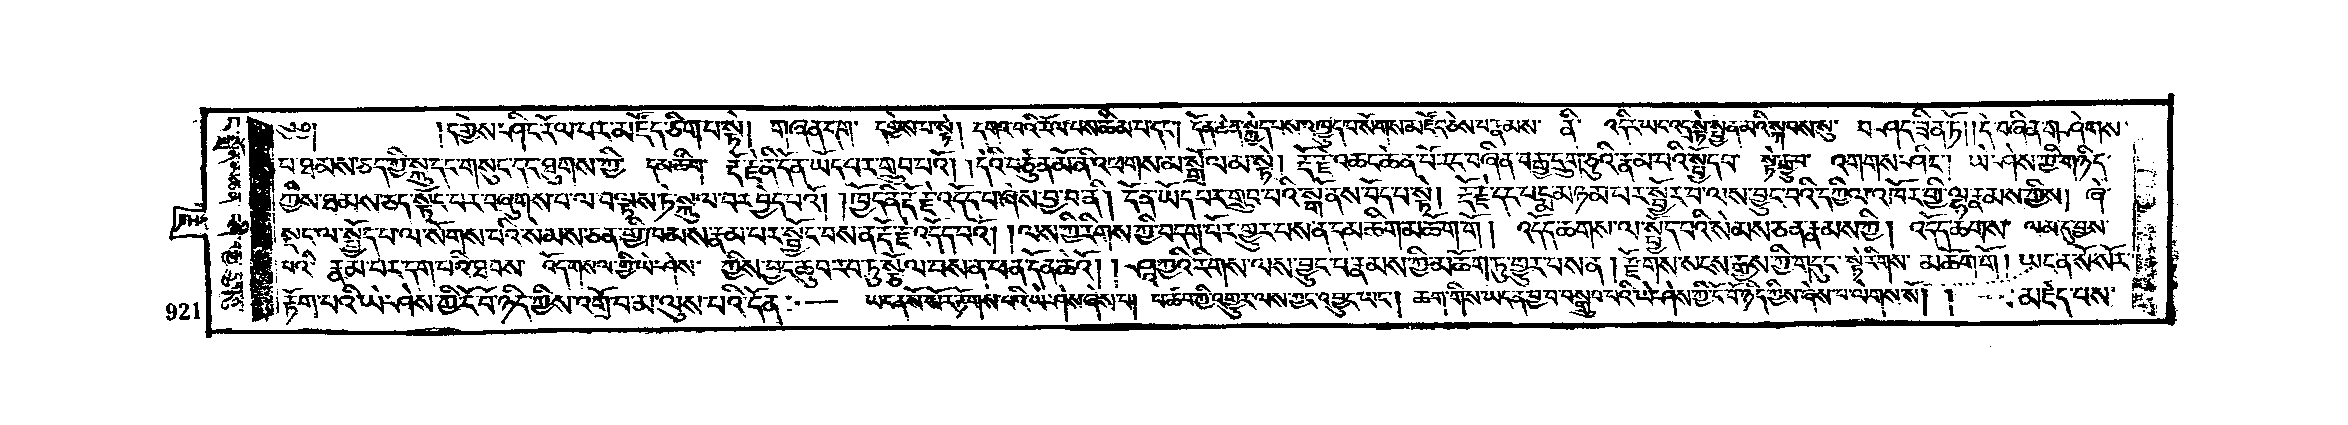༄༅། །དགྱེས་ཤིང་རོལ་པར་མཛོད་ཅིག་པ་སྟེ། གཞན་དག་དགྱེས་པ་སྟེ། དགའ་བའི་རོལ་པས་ཚིམ་པ་དང་། དོན་ཆེན་སྐྱེད་པས་འཁྱུད་པ་སོགས་མཛོད་ཅེས་པ་རྣམས་ནི་འདིར་ཡང་འདྲ་སྟེ་སྤྱན་མའི་སྐབས་སུ་བཤད་ཟིན་ཏོ། །དེ་བཞིན་གཤེགས་
པ་ཐམས་ཅད་ཀྱི་སྐུ་དང་གསུང་དང་ཐུགས་ཀྱི་དམ་ཚིག་རྡོ་རྗེ་ནི་དོན་ཡོད་པར་གྲུབ་པའོ། །དེའི་བཙུན་མོ་ནི་འཕགས་མ་སྒྲོལ་མ་སྟེ། རྡོ་རྗེ་འཆང་ཆེན་པོ་རང་བཞིན་བརྒྱ་དྲུག་ཅུའི་རྣམ་པའི་སྤྱོད་པ་སྟེ་རྒྱུ་བ་འགགས་ཤིང་། ཡེ་ཤེས་ཀྱི་གཉིད་
ཀྱིས་ཐམས་ཅད་སྟོང་པར་བཞུགས་པ་ལ་བལྟས་ཏེ་སྐུལ་བར་བྱེད་པའོ། །ཁྱོད་ནི་རྡོ་རྗེ་འདོད་པ་ཞེས་བྱ་བ་ནི། དོན་ཡོད་པར་གྲུབ་པའི་སྒོ་ནས་བོད་པ་སྟེ། རྡོ་རྗེ་དང་པདམ་མཉམ་པར་སྦྱོར་བ་ལས་བྱུང་བའི་དཀྱིལ་འཁོར་གྱི་ལྷ་རྣམས་ཀྱིས། ཞེ་
སྡང་ལ་སྤྱོད་པ་ལ་སོགས་པའི་སེམས་ཅན་གྱི་ཁམས་རྣམ་པར་སྦྱོང་བས་ན་རྡོ་རྗེ་འདོད་པའོ། །ལས་ཀྱི་རིགས་ཀྱི་བདག་པོར་གྱུར་པས་ན་དམ་ཚིག་མཆོག་གོ །འདོད་ཆགས་ལ་སྤྱོད་པའི་སེམས་ཅན་རྣམས་ཀྱི། འདོད་ཆགས་ལམ་དུ་བྱས་
པའི་རྣམ་པར་དག་པའི་ཐབས་འོད་གསལ་གྱི་ཡེ་ཤེས་ཀྱིས་བྱང་ཆུབ་རབ་ཏུ་སྩོལ་བས་ན་ཕན་དོན་ཆེའོ། །ཤཱ་ཀྱའི་རིགས་ལས་བྱུང་བ་རྣམས་ཀྱི་མཆོག་ཏུ་གྱུར་པས་ན། རྫོགས་སངས་རྒྱས་ཀྱི་གདུང་སྟེ་རིགས་མཆོག་གོ །ཡང་ན་སོ་སོར་
རྟོག་པའི་ཡེ་ཤེས་ཀྱི་ངོ་བོ་ཉིད་ཀྱིས་འགྲོ་བ་མ་ལུས་པའོ་དོན་ཡང་ན་སོ་སོར་རྟོགས་པའི་ཡེ་ཤེས་ཞེས་པ། པ་ཚབ་ཀྱི་འགྱུར་ལས་ཀྱང་འབྱུང་ཡང་། ཆག་གིས་ཡང་ན་བྱ་བ་བསྒྲུབ་པའི་ཡེ་ཤེས་ཀྱི་ངོ་བོ་ཉིད་ཀྱིས་ཞེས་པ་ལེགས་སོ། །མཛད་པས་